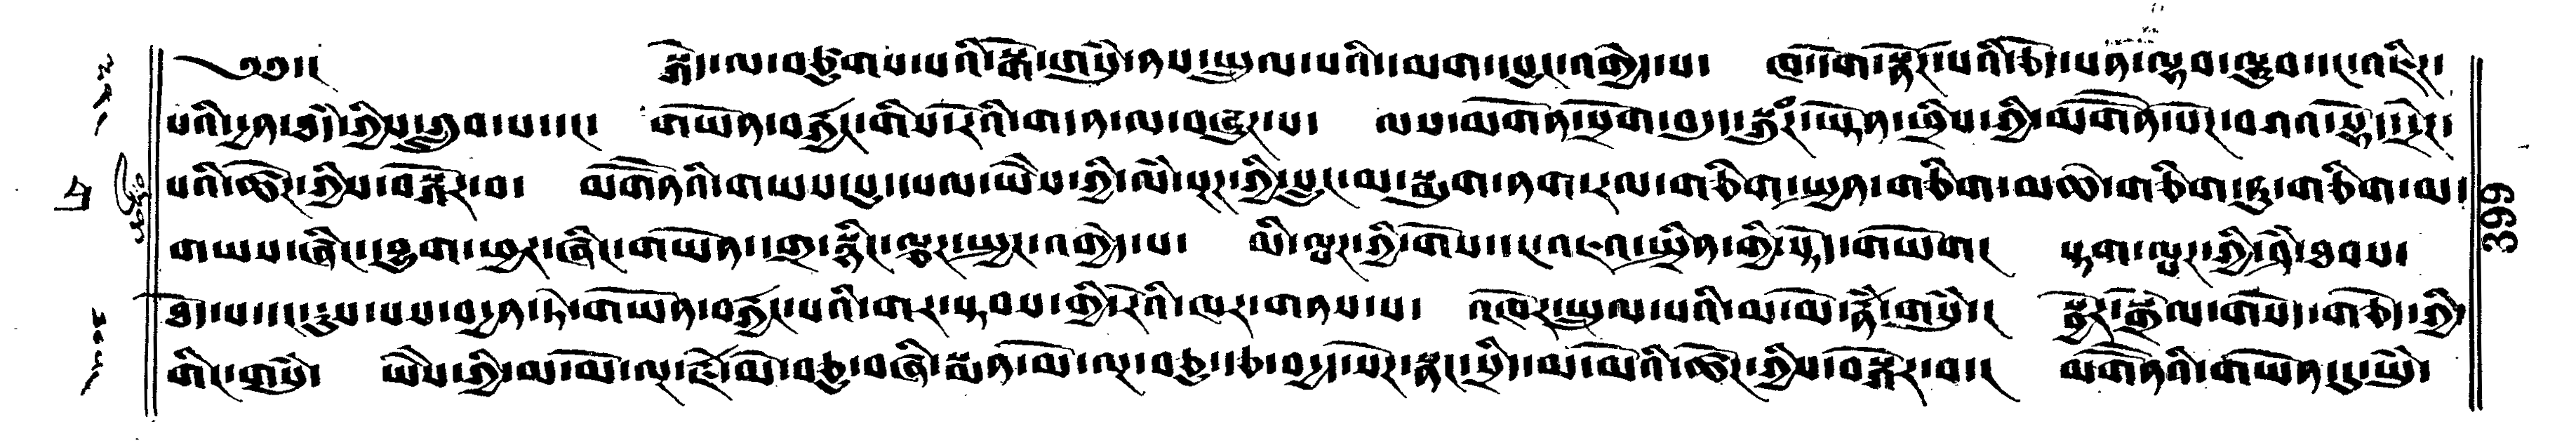སྐེད་ལ་བཙུགས་པའི་སྒོ་གསུམ་ནས་སྤྲུལ་པའི་དམག་དཔུང་འགྱེད་པ། ཁ་དོག་སྣ་ཚོགས་པའི་ཅོད་པན་ལྷབ་ལྷུབ་དང་འཇིགས་
པའི་རྒྱན་ཐམས་ཅད་ཀྱིས་ཀླུབས་པ་དང་། གཡོན་བརྐྱང་གིས་རོའི་གདན་ལ་བཞུགས་པ། ལས་མགོན་སྲོག་བདུད་སྐུ་གསུང་ཐུགས་ཡོན་ཏན་ཕྲིན་ལས་ཀྱི་མགོན་པོ་སོགས་བཀའ་སྡོད་དྲེགས་
པའི་ཚོགས་ཀྱིས་བསྐོར་བ། མགོན་པོའི་གཡས་སུ་དཔལ་ཡེ་ཤེས་ཀྱི་ལྷ་མོ་སྔགས་ཀྱི་སྲུང་མ་སྨུག་ནག་རལ་གཅིག་སྤྱན་གཅིག་མཆེ་གཅིག་ནུ་གཅིག་མ། 
གཡས་ཞིང་དབྱུག་འཕྱར་ཞིང་གཡོན་དགྲ་སྙིང་ལྕགས་སྤྱང་འགྱེད་པ། མི་ལྤགས་ཀྱི་གོས་དང་འཇའ་སྤྲིན་གྱི་སྟོད་གཡོག སྟག་ལྤགས་ཀྱི་ཤམ་ཐབས། 
ཐོད་པ་དང་རུས་པས་བརྒྱན་ཏེ་གཡོན་བརྐྱང་པའི་གར་སྟབས་གྱིས་རོའི་ཁར་གནས་པ། འཁོར་སྤྲུལ་པའི་མ་མོ་རྣམ་གསུམ། སྦྱོར་སྒྲོལ་གསོད་གཅོད་ཀྱི་
གིང་གསུམ། ཡེ་ཤེས་ཀྱི་མ་མོ་ལྔ། རྗེ་མོ་བཅུ་བཞི་སྨན་མོ་ལྔ་བཅུ་རྩ་བརྒྱད་སོགས་སྣང་སྲིད་མ་མོའི་ཚོགས་ཀྱིས་བསྐོར་བ། མགོན་པོའི་གཡོན་དུ་ཡུམ་